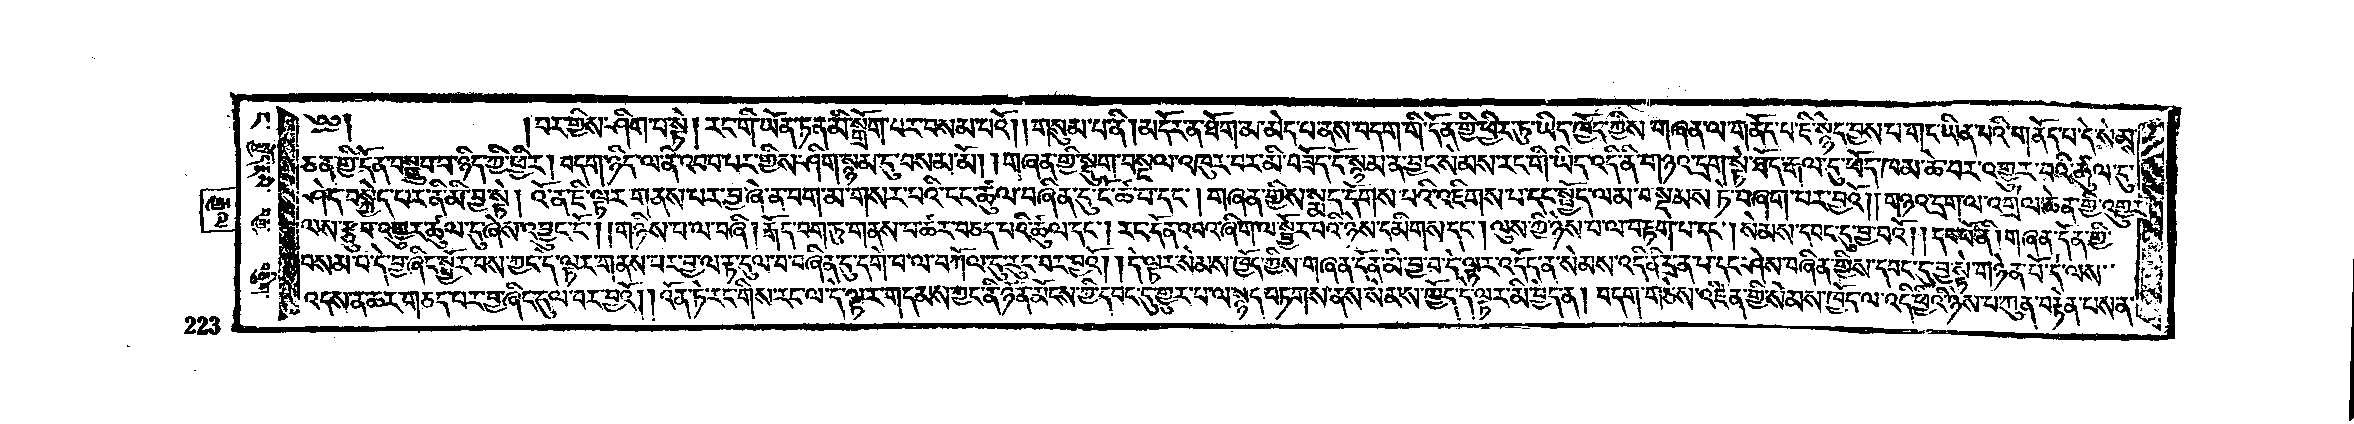༄༅། །བར་གྱིས་ཤིག་པ་སྟེ། རང་གི་ཡོན་ཏན་མི་སྒྲོག་པར་བསམ་པའོ། །གསུམ་པ་ནི། མདོར་ན་ཐོག་མ་མེད་པ་ནས་བདག་གི་དོན་གྱི་ཕྱིར་ཏུ་ཡིད་ཁྱོད་ཀྱིས་གཞན་ལ་གནོད་པ་ཇི་སྙེད་བྱས་པ་གང་ཡིན་པའི་གནོད་པ་དེ་སེམས་
ཅན་གྱི་དོན་བསྒྲུབ་པ་ཉིད་ཀྱི་ཕྱིར། བདག་ཉིད་ལ་ནི་འབབ་པར་གྱིས་ཤིག་སྙམ་དུ་བསམ་མོ། །གཞན་གྱི་སྡུག་བསྔལ་འཁུར་བར་མི་བཟོད་དོ་སྙམ་ན་བྱང་སེམས་རང་གི་ཡིད་འདི་ནི་གཉའ་དྲག་སྟེ་ཐོད་རྒལ་དུ་ཕོད་ཁམ་ཆེ་བར་འགྱུར་བའི་ཚུལ་དུ་
ཤེད་བསྐྱེད་པར་ནི་མི་བྱ་སྟེ། འོ་ན་ཇི་ལྟར་གནས་པར་བྱ་ཞེ་ན་བག་མ་གསར་བའི་ངང་ཚུལ་བཞིན་དུ་ངོ་ཚ་བ་དང་། གཞན་གྱིས་སྨད་དོགས་པའི་འཇིགས་པ་དང་སྤྱོད་ལམ་བསྡམས་ཏེ་བཞག་པར་བྱའོ། །གཉའ་དྲག་ལ་འགྲེལ་ཆེན་གྱི་འགྱུར་
ལས་རྩུབ་འགྱུར་ཚུལ་དུ་ཞེས་འབྱུང་ངོ། །གཉིས་པ་ལ་བཞི། རྒོད་བག་ཏུ་གནས་པ་ཚར་བཅད་པའི་ཚུལ་དང་། རང་དོན་འབའ་ཞིག་ལ་སྦྱོར་བའི་ཉེས་དམིགས་དང་། ལུས་ཀྱི་ཉེས་པ་ལ་བརྟག་པ་དང་། སེམས་དབང་དུ་བྱ་བ་འོ། །དང་པོ་ནི། གཞན་དོན་གྱི་
བསམ་པ་དེ་བྱ་ཞིང་སྦྱོར་བས་ཀྱང་དེ་ལྟར་གནས་པར་བྱ་ལ་རྟ་དུལ་བ་བཞིན་དུ་དགེ་བ་ལ་བཀོལ་དུ་རུང་བར་བྱའོ། །དེ་ལྟར་སེམས་ཁྱོད་ཀྱིས་གཞན་དོན་མི་བྱ་བ་དེ་ལྟར་འདོད་ན་སེམས་འདི་ནི་དྲན་པ་དང་ཤེས་བཞིན་གྱིས་དབང་དུ་བྱ་སྟེ་གཉེན་པོ་དེ་ལས་
འདས་ན་ཆར་གཅད་པར་བྱ་ཞིང་དུལ་བར་བྱའོ། །འོན་ཏེ་རང་གིས་རང་ལ་དེ་ལྟར་གདམས་ཀྱང་ནི་ཉོན་མོངས་ཀྱི་དབང་དུ་གྱུར་པ་ལ་སྙད་བཏགས་ནས་སེམས་ཁྱོད་དེ་ལྟར་མི་བྱེད་ན། བདག་གཅེས་འཛིན་གྱི་སེམས་ཁྱོད་ལ་འདི་ཕྱིའི་ཉེས་པ་ཀུན་བརྟེན་པས་ན་